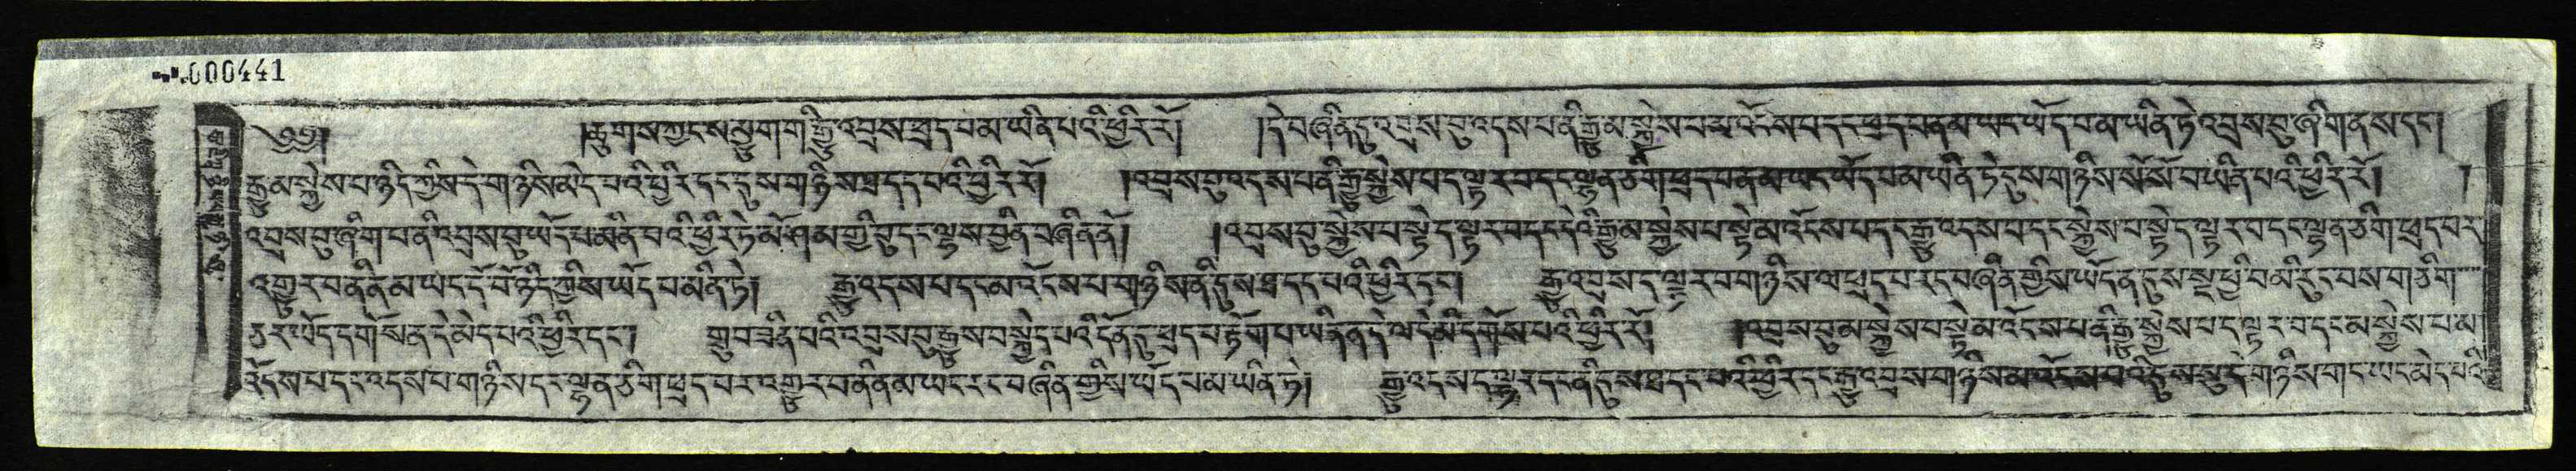༄༅། །ཆུགས་ཀྱང་ས་མྱུག་གི་རྒྱུ་འབྲས་ཕྲད་པ་མ་ཡིན་པའི་ཕྱིར་རོ། །དེ་བཞིན་དུ་འབྲས་བུ་འདས་པ་ནི་རྒྱུ་མ་སྐྱེས་པ་མ་འོངས་པ་དང་ཕྲད་པ་ནམ་ཡང་ཡོད་པ་མ་ཡིན་ཏེ་འབྲས་བུ་ཞིག་ནས་དང་།
རྒྱུ་མ་སྐྱེས་པ་ཉིད་ཀྱིས་དེ་གཉིས་མེད་པའི་ཕྱིར་དང་དུས་གཉིས་ཐ་དད་པའི་ཕྱིར་རོ། །འབྲས་བུ་འདས་པ་ནི་རྒྱུ་སྐྱེས་པ་ད་ལྟར་བ་དང་ལྷན་ཅིག་ཕྲད་པ་ནམ་ཡང་ཡོད་པ་མ་ཡིན་ཏེ་དུས་གཉིས་སོ་སོ་བ་ཡིན་པའི་ཕྱིར་རོ། །
འབྲས་བུ་ཞིག་པ་ནི་འབྲས་བུ་ཡོད་པ་མིན་པའི་ཕྱིར་ཏེ་མོ་ཤམ་གྱི་བུ་དང་ལྷས་བྱིན་བཞིན་ནོ། །འབྲས་བུ་སྐྱེས་པ་སྟེ་ད་ལྟར་བ་དང་དེའི་རྒྱུ་མ་སྐྱེས་པ་སྟེ་མ་འོངས་པ་དང་རྒྱུ་འདས་པ་དང་སྐྱེས་པ་སྟེ་ད་ལྟར་བ་དང་ལྷན་ཅིག་ཕྲད་པར་
འགྱུར་བ་ནི་ནམ་ཡང་ངོ་བོ་ཉིད་ཀྱིས་ཡོད་པ་མིན་ཏེ། རྒྱུ་འདས་པ་དང་མ་འོངས་པ་གཉིས་ནི་དུས་ཐ་དད་པའི་ཕྱིར་དང་། རྒྱུ་འབྲས་ད་ལྟར་བ་གཉིས་ལ་ཕྲད་པ་རང་བཞིན་གྱིས་ཡོད་ན་དུས་སྔ་ཕྱི་བ་མི་རུང་བས་གཅིག་
ཅར་ཡོད་དགོས་ན་དེ་མེད་པའི་ཕྱིར་དང་། གྲུབ་ཟིན་པའི་འབྲས་བུ་རྒྱུས་བསྐྱེད་པའི་དོན་དུ་ཕྲད་པ་རྟོག་པ་ཡིན་ན་དེ་ལ་དེ་མི་དགོས་པའི་ཕྱིར་རོ། །འབྲས་བུ་མ་སྐྱེས་པ་སྟེ་མ་འོངས་པ་ནི་རྒྱུ་སྐྱེས་པ་ད་ལྟར་བ་དང་མ་སྐྱེས་པ་མ་
འོངས་པ་དང་འདས་པ་གཉིས་དང་ལྷན་ཅིག་ཕྲད་པར་འགྱུར་བ་ནི་ནམ་ཡང་རང་བཞིན་གྱིས་ཡོད་པ་མ་ཡིན་ཏེ། རྒྱུ་འདས་ད་ལྟར་དང་ནི་དུས་ཐ་དད་པའི་ཕྱིར་དང་རྒྱུ་འབྲས་གཉིས་མ་འོངས་པའི་དུས་སུ་དེ་གཉིས་གང་ཡང་མེད་པའི་